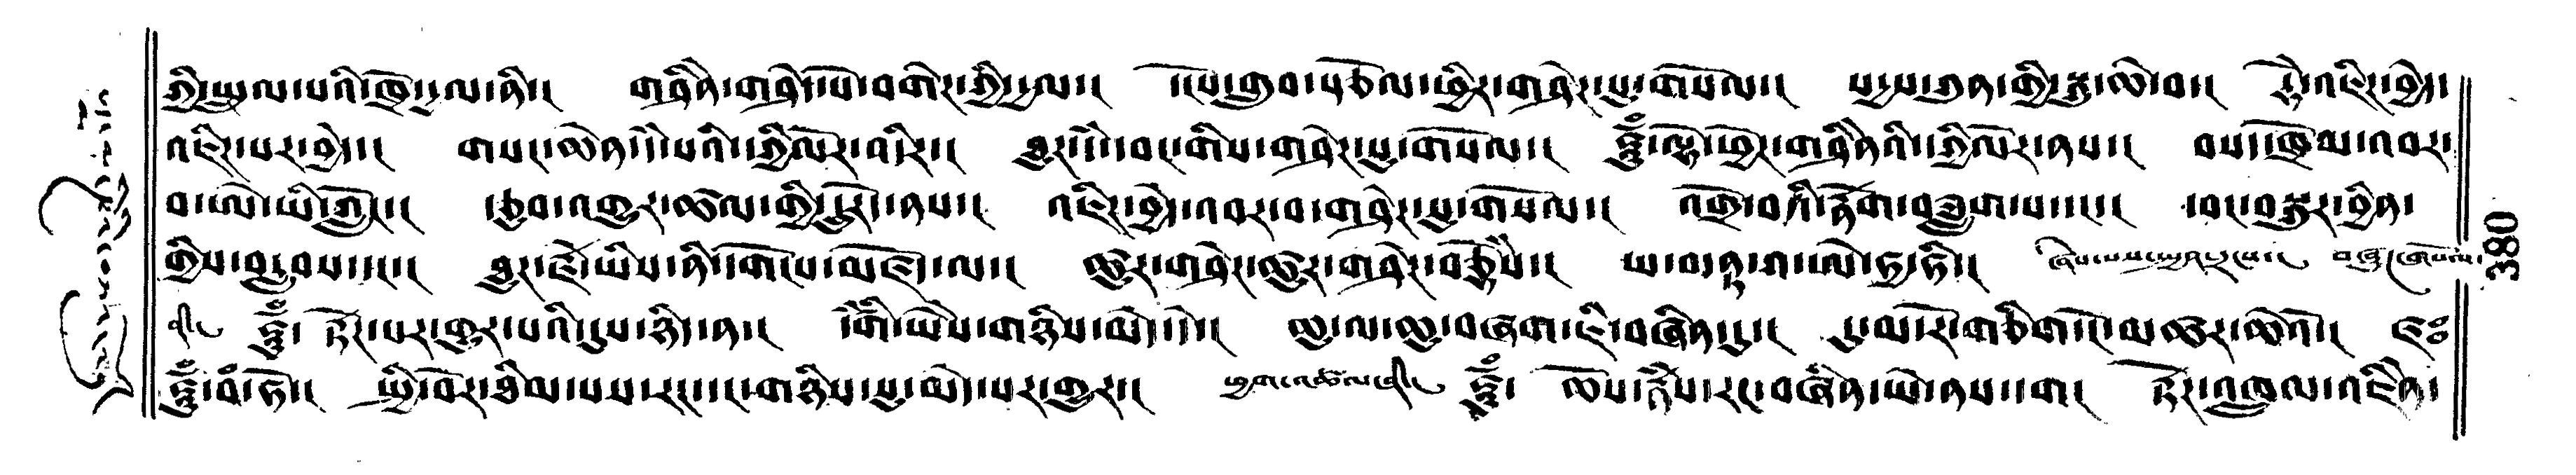ཀྱི་སྤྲུལ་པའི་ཁྲོ་རྒྱལ་ནི། །གཤིན་རྗེ་གཤེད་པོ་བགེགས་ཀྱི་རྒྱལ། །དངོས་གྲུབ་སྩོལ་ཕྱིར་གཤེགས་སུ་གསོལ། །སངས་རྒྱས་ཀུན་གྱི་སྐུ་ཆེ་བ། །རྡོ་རྗེ་འཇིགས་བྱེད་
འཇིགས་པར་བྱེད། །གསང་ཆེན་དམ་པའི་དཀྱིལ་འཁོར་འདིར། །ཐུགས་དམ་དབང་གིས་གཤེགས་སུ་གསོལ། ཧཱུྃ། ལྷོ་ཕྱོགས་གཤིན་རྗེའི་དཀྱིལ་འཁོར་ནས། །བསད་ཁྲམ་འབར་
བ་ཨེ་ཡི་ཀློང་། །རྩུབ་འགྱུར་ཚལ་གྱི་དུར་ཁྲོད་ནས། འཇིགས་བྱེད་འབར་བ་གཤེགས་སུ་གསོལ། །འགྲོ་བའི་རྣམ་རྟོག་བཟློག་པ་དང་། །དབང་བསྐུར་བྱིན་
གྱིས་བརླབ་པ་དང་། །ཐུགས་རྗེ་ཡིས་ནི་དགོངས་མཛོད་ལ། །ཚུར་གཤེགས་ཚུར་གཤེགས་བཅོམ་ལྡན་འདས། ཡ་མནྟ་ཀ་ཨེ་ཧྱ་ཧི། ཞེས་པས་སྤྱན་དྲངས། བཞུགས་གསོལ་
ནི། ཧཱུྃ། རྟོགས་པར་གྱུར་པའི་དུས་ཉིད་ན། །དམ་ཚིག་ཡེ་ཤེས་གཉིས་མེད་དེ། །ཆུ་ལ་ཆུ་བཞག་ཇི་བཞིན་དུ། །དུ་མ་རོ་གཅིག་ངོ་མཚར་ཆེའོ། ཛཿ
ཧཱུྃ་བཾ་ཧོ། སྤྱི་བོར་ཐིམ་པས་རང་དང་གཉིས་སུ་མེད་པར་གྱུར། ཕྱག་འཚལ་ནི། ཧཱུྃ། ཆོས་རྣམས་རང་བཞིན་ཡེ་ནས་དག རྟོག་འཁྲུལ་འཇིག་རྟེན